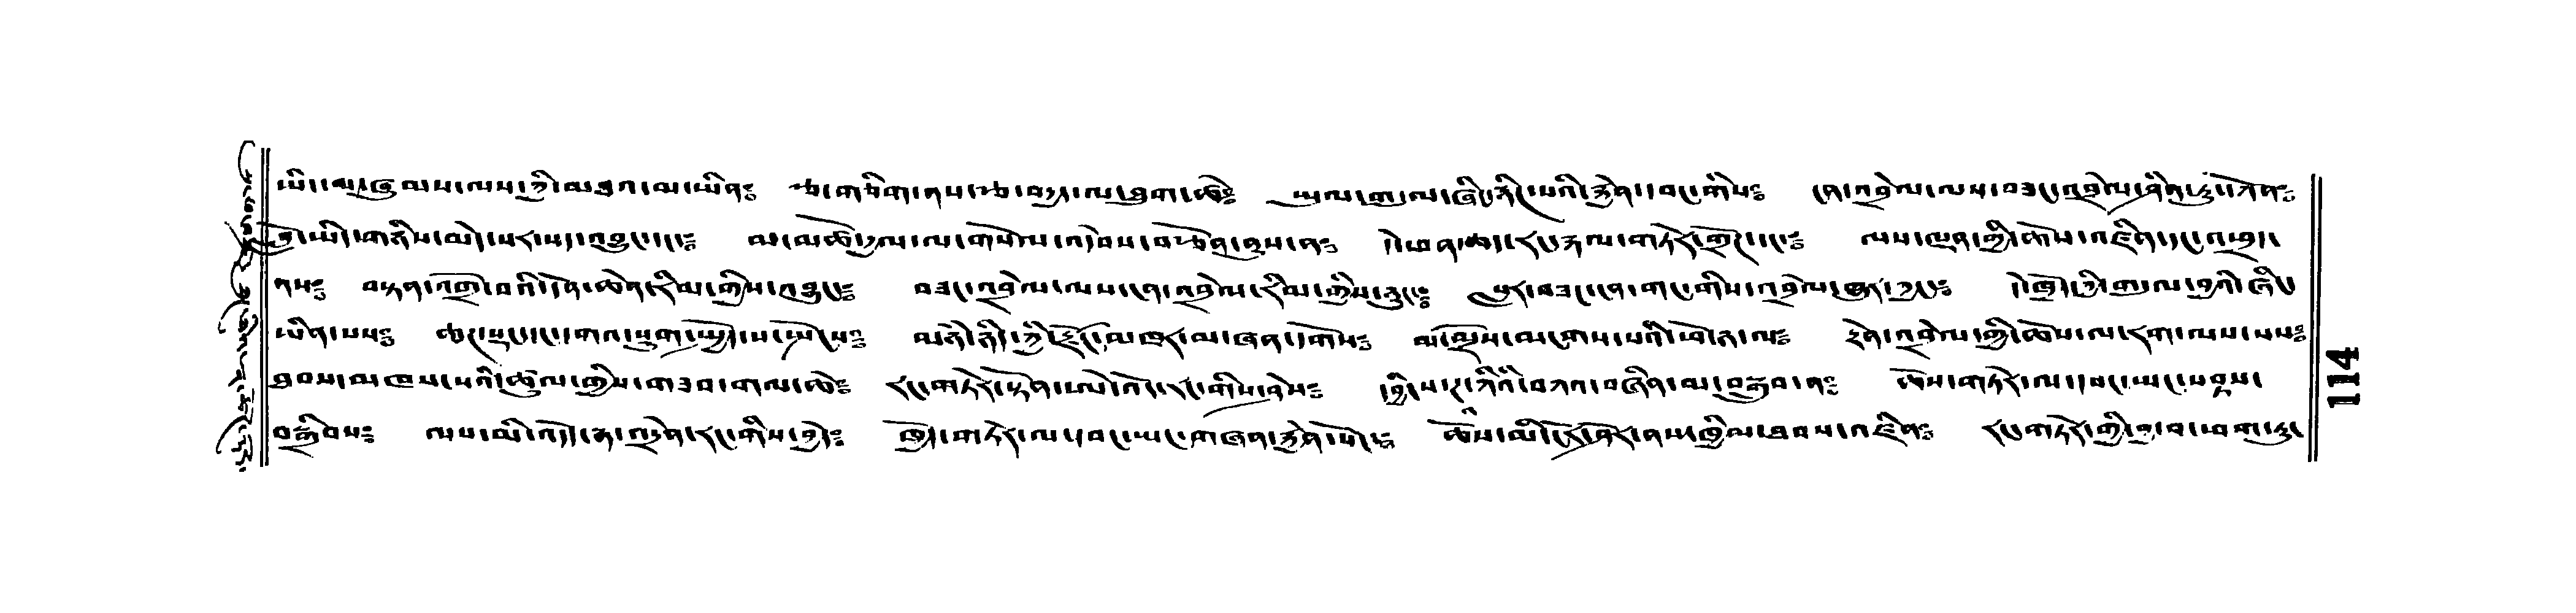ཡིད་མ་ཞུམས་ལས་ཀྱི་མཐའ་མ་ཡིན༔ རྩ་གཅིག་ནས་རྩ་བརྒྱད་ལ་ཐུག་ཚེ༔ ཡུལ་གདུལ་ཞིང་སྙིགས་པའི་རྐྱེན་དབང་གིས༔ ངན་འབྲེལ་ལས་བཟང་འབྲེལ་ཤིན་ཏུ་དཀོན༔ 
བློ་ཡིད་གཉིས་མེད་པར་པད་འབྱུང་དང༔ མ་མཚོ་རྒྱལ་ལ་གསོལ་འདེབས་བརྩོན་ནུས་ན༔ དེ་ཕན་ཆད་རང་སྐལ་གཏེར་གྲོགས་དང༔ ལས་ལྡན་གྱི་ཆོས་འཛིན་དང་འཕྲད་
ནས༔ བསྟན་འགྲོ་བའི་དོན་ཆེན་རིམ་གྱིས་འབྱུང༔ བཟང་འབྲེལ་ལས་ངན་འབྲེལ་རིམ་གྱིས་ཉུང༔ སླར་བཟང་ངན་གང་གིས་འབྲེལ་གྱུར་ཀྱང༔ དེ་ཁྱོད་ཀྱི་གདུལ་བྱའི་ཞིང་
ཡིན་པས༔ ཆགས་སྡང་དང་དགའ་སྡུག་སྤྱོད་པ་སྤོངས༔ མཉམ་ཉིད་ཀྱི་རྫོང་མཁར་མ་ཞན་དགོས༔ མ་མཁའ་འགྲོས་མངགས་པའི་ཕོ་ཉ་ལཿ རྟེན་འབྲེལ་གྱི་ཆོས་ལ་རག་ལས་པས༔ 
ཐབས་མཁས་པའི་ཚུལ་གྱིས་གཟབ་གལ་ཆེ༔ རང་གཏེར་སྟོན་ཨེ་འོང་རང་གིས་ཤེས༔ དབྱིངས་ཌཱ་ཀིའི་བཀའ་བཞིན་མ་བསྒྲུབ་ན༔ ཆོས་གཏེར་ལ་དབང་ཡང་སབྟས་
བསྒྲིབ༔ ལས་མི་འདོད་སྣ་འདྲེན་རང་གིས་བྱེད༔ ཁྱོད་གཏེར་ལ་དབང་ཡང་གཞན་རྐྱེན་སོང༔ ཆོས་མི་ངོར་ཤོར་ནས་ཁྱིམ་ཐབས་འཛིན༔ རང་གཏེར་གྱི་བྱ་བ་ཕག་ཏུ་